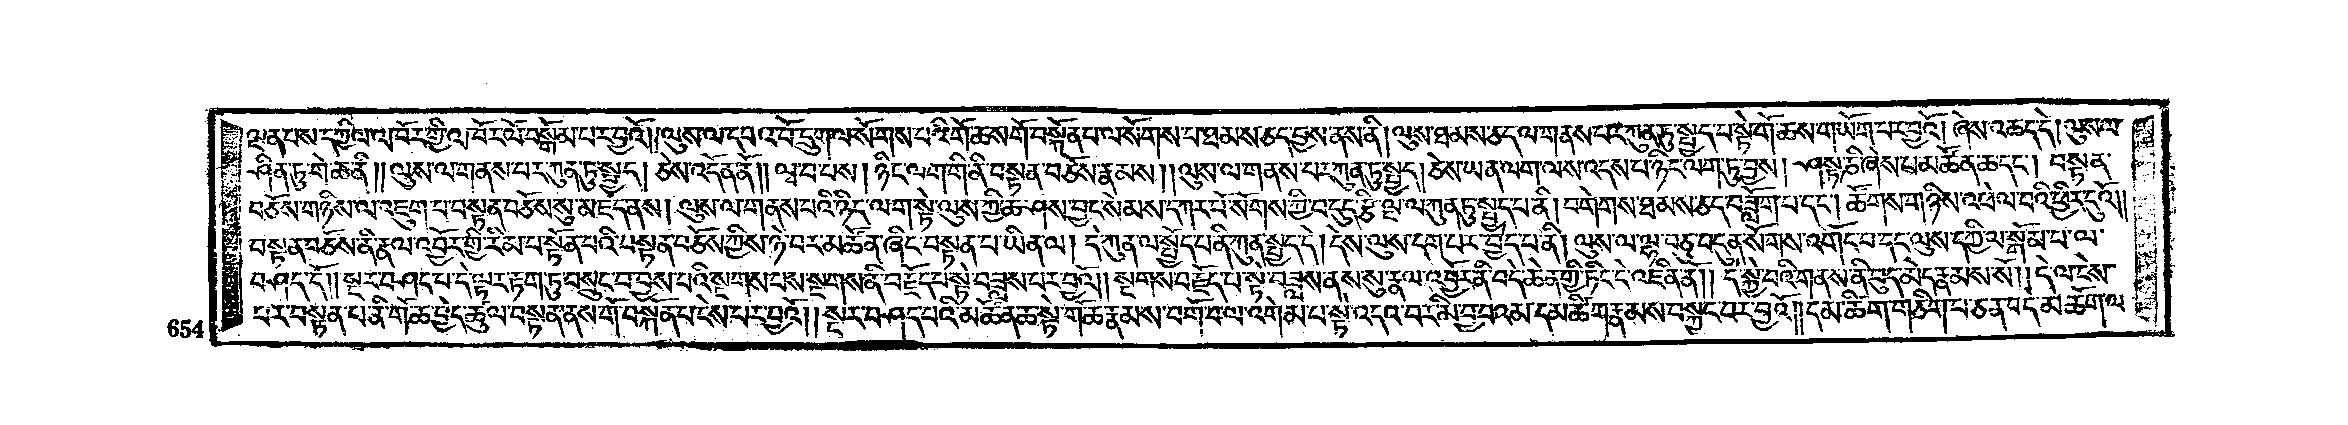ལྡན་པས་དཀྱིལ་འཁོར་གྱི་འཁོར་ལོ་བསྒོམ་པར་བྱའོ། །ལུས་ལ་དཔའ་བོ་དྲུག་ལ་སོགས་པའི་གོ་ཆས་གོ་བསྐོན་པ་ལ་སོགས་པ་ཐམས་ཅད་བྱས་ནས་ནི། ལུས་ཐམས་ཅད་ལ་གནས་པར་ཀུན་ཏུ་སྤྱད་པ་སྟེ་གོ་ཆས་གཡོག་པར་བྱའོ། ཞེས་འཆད་དེ། ལུས་ལ་
ཤིན་ཏུ་གོ་ཆ་ནི། །ལུས་ལ་གནས་པར་ཀུན་ཏུ་སྤྱད། ཅེས་འདོན་ནོ། །ལྭ་བ་པས། ཉིང་ལག་གི་ནི་བསྟན་བཅོས་རྣམས། །ལུས་ལ་གནས་པར་ཀུན་ཏུ་སྤྱད། ཅེས་ཡན་ལག་ལས་འདས་པ་ཉིང་ལག་ཏུ་བྱས། ཤསྟ་ཎི་ཞེས་པ་མཚོན་ཆ་དང་། བསྟན་
བཅོས་གཉིས་ལ་འཇུག་པ་བསྟན་བཅོས་སུ་མཛད་ནས། ལུས་ལ་གནས་པའི་ཉིང་ལག་སྟེ་ལུས་ཀྱི་ཆ་ཤས་བྱང་སེམས་དཀར་པོ་སོགས་ཀྱི་བདུད་རྩི་ལྔ་ལ་ཀུན་ཏུ་སྤྱད་པ་ནི། བགེགས་ཐམས་ཅད་བཟློག་པ་དང་། ཚོགས་གཉིས་འཕེལ་བའི་ཕྱིར་དུའོ། །
བསྟན་བཅོས་ནི་རྣལ་འབྱོར་གྱི་རིམ་པ་སྟོན་པའི་བསྟན་བཅོས་ཀྱིས་ཉེ་བར་མཚོན་ཞིང་བསྟན་པ་ཡིན་ལ། དེ་ཀུན་ལ་སྤྱོད་པ་ནི་ཀུན་སྤྱད་དེ། དེས་ལུས་དག་པར་བྱེད་པ་ནི། ལུས་ལ་ལྷ་བཅུ་བདུན་སོགས་འགོད་པ་དང་ལུས་དཀྱིལ་སྒོམ་པ་ལ་
བཤད་དོ། །སྔར་བཤད་པ་དེ་ལྟར་རྟག་ཏུ་བསྲུང་བ་བྱས་པའི་སྔགས་པས་སྔགས་ནི་བརྗོད་པ་སྟེ་བཟླས་པར་བྱའོ། །སྔགས་བརྗོད་པ་སྟེ་བཟླས་ནས་སུ་རྣལ་འབྱོར་ནི་བདེ་ཆེན་གྱི་ཏིང་ངེ་འཛིན་ནོ། །དེ་སྐྱེ་བའི་གནས་ནི་བུད་མེད་རྣམས་སོ། །དེ་ལ་ངེས་
པར་བསྟན་པ་ནི་གོ་ཆ་བྱེད་ཚུལ་བསྟན་ནས་གོ་བསྐོན་པ་ངེས་པར་བྱའོ། །སྔར་བཤད་པའི་མཚོན་ཆ་སྟེ་གོ་ཆ་རྣམས་བགོ་བ་ལ་འགེམ་པ་སྟེ་འདའ་བར་མི་བྱ་བའམ་དམ་ཚིག་རྣམས་བསྐྱང་བར་བྱའོ། །དམ་ཚིག་གཅིག་པ་ཅན་བདེ་མཆོག་ལ་